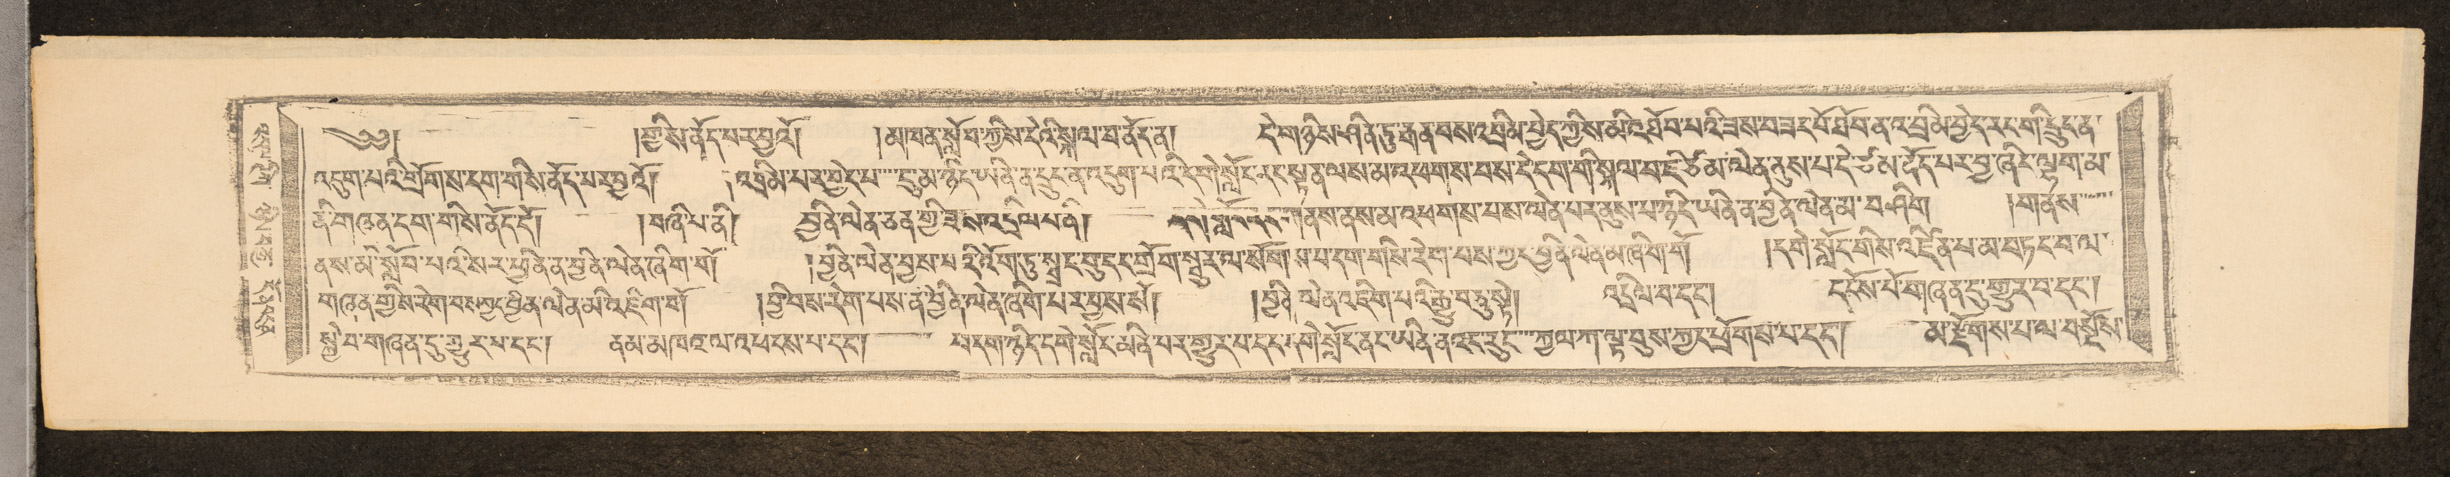༄༅། །གྱིས་ནོད་པར་བྱའོ། །མཁན་སློབ་ཀྱིས་དེའི་སྐལ་བ་ནོད་ན། དེ་གཉིས་ཤིན་ཏུ་རྒན་པས་འབྲིམ་བྱེད་ཀྱིས་མི་འཐོབ་པའི་ཟས་བཟང་པོ་ཐོབ་ན་འབྲིམ་བྱེད་རང་གི་དྲུང་ན་
འདུག་པའི་གྲོགས་དག་གིས་ནོད་པར་བྱའོ། །འབྲིམ་པར་བྱེད་པ་དུ་མ་ཉིད་ཡིན་ན་དྲུང་ན་འདུག་པའི་དགེ་སློང་རང་སྟན་ལ་ས་མ་འཕགས་བས་དེ་དག་གི་སྐལ་བ་ཇི་ཙམ་ལེན་ནུས་པ་དེ་ཙམ་ནོད་པར་བྱ་ཞིང་ལྷག་མ་
ནི་གཞན་དག་གིས་ནོད་དོ། །བཞི་པ་ནི། བྱིན་ལེན་ཅན་གྱི་ཟས་འདྲིལ་བ་ནི། དགེ་སློང་རང་གནས་ནས་མ་འཕགས་བས་ལེན་པར་ནུས་པ་ཉིད་ཡིན་ན་བྱིན་ལེན་མ་བཤིག །གནས་
ནས་མི་སློབ་པའི་སར་ཕྱིན་ན་བྱིན་ལེན་ཞིག་གོ །བྱིན་ལེན་བྱས་པའི་འོག་ཏུ་སྦྲང་བུ་དང་གྲོག་སྤུར་ལ་སོགས་པ་དག་གིས་རེག་པས་ཀྱང་བྱིན་ལེན་མ་ཞིག་གོ །དགེ་སློང་གིས་འཛིན་པ་མ་བཏང་བ་ལ་
གཞན་གྱིས་རེག་པས་ཀྱང་བྱིན་ལེན་མི་འཇིག་གོ །བྱི་བས་རེག་པས་ནི་བྱིན་ལེན་ཞིག་པར་བྱས་སོ། །བྱིན་ལེན་འཇིག་པའི་རྒྱུ་བཅུ་སྟེ། འདྲིལ་བ་དང་། དངོས་པོ་གཞན་དུ་གྱུར་པ་དང་།
སྐྱེ་བ་གཞན་དུ་གྱུར་པ་དང་། ནམ་མཁའ་ལ་འཕངས་པ་དང་། བདག་ཉིད་དགེ་སློང་མིན་པར་གྱུར་པ་དང་དགེ་སློང་ནང་ཡིན་ནའང་རུང་ཀྱལ་ཀ་ལྟ་བུས་ཀྱང་ཕྲོགས་པ་དང་། མ་རྫོགས་པ་ལ་བསྔོས་